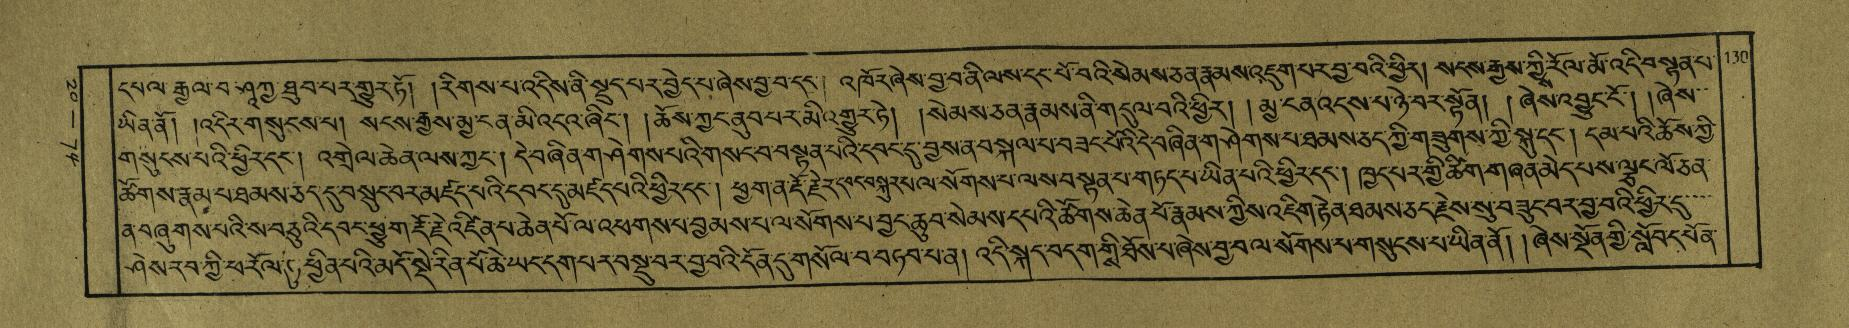དཔལ་རྒྱལ་བ་ཤཱཀྱ་ཐུབ་པར་གྱུར་ཏོ། །རིགས་པ་འདིས་ནི་སྡུད་པར་བྱེད་པ་ཞེས་བྱ་བ་དང་། འཁོར་ཞེས་བྱ་བ་ནི་ལས་དང་པོ་བའི་སེམས་ཅན་རྣམས་འཇུག་པར་བྱ་བའི་ཕྱིར། སངས་རྒྱས་ཀྱིས་རོལ་མོ་འདི་བསྟན་པ་
ཡིན་ནོ། །འདིར་གསུངས་པ། སངས་རྒྱས་མྱ་ངན་མི་འདའ་ཞིང་། །ཆོས་ཀྱང་ནུབ་པར་མི་འགྱུར་ཏེ། །སེམས་ཅན་རྣམས་ནི་གདུལ་བའི་ཕྱིར། །མྱ་ངན་འདས་པ་ཉེ་བར་སྟོན། །ཞེས་འབྱུང་ངོ། །ཞེས་
གསུངས་པའི་ཕྱིར་དང་། འགྲེལ་ཆེན་ལས་ཀྱང་། དེ་བཞིན་གཤེགས་པའི་གསང་བ་བསྟན་པའི་དབང་དུ་བྱས་ན་བསྐལ་པ་བཟང་པོའི་དེ་བཞིན་གཤེགས་པ་ཐམས་ཅད་ཀྱི་གཟུགས་ཀྱི་སྐུ་དང་། དམ་པའི་ཆོས་ཀྱི་
ཚོགས་རྣམ་པ་ཐམས་ཅད་དུ་བསྲུང་བར་མཛད་པའི་དབང་དུ་མཛད་པའི་ཕྱིར་དང་། ཕྱག་ན་རྡོ་རྗེར་དབང་བསྐུར་པ་ལ་སོགས་པ་ལས་བསྟན་པ་གཏད་པ་ཡིན་པའི་ཕྱིར་དང་། ཁྱད་པར་གྱི་ཚིག་གཞན་མེད་པས་ལྕང་ལོ་ཅན་
ན་བཞུགས་པའི་ས་བཅུའི་དབང་ཕྱུག་རྡོ་རྗེ་འཛིན་པ་ཆེན་པོ་ལ་འཕགས་པ་བྱམས་པ་ལ་སོགས་པ་བྱང་ཆུབ་སེམས་དཔའི་ཚོགས་ཆེན་པོ་རྣམས་ཀྱིས་འཇིག་རྟེན་ཐམས་ཅད་རྗེས་སུ་བཟུང་བར་བྱ་བའི་ཕྱིར་དུ་
ཤེས་རབ་ཀྱི་ཕ་རོལ་ཏུ་ཕྱིན་པའི་མདོ་སྡེ་རིན་པོ་ཆེ་ཡང་དག་པར་བསྡུ་བར་བྱ་བའི་དོན་དུ་གསོལ་བ་བཏབ་པ་ན། འདི་སྐད་བདག་གིས་ཐོས་པ་ཞེས་བྱ་བ་ལ་སོགས་པ་གསུངས་པ་ཡིན་ནོ། །ཞེས་སྔོན་གྱི་སློབ་དཔོན་